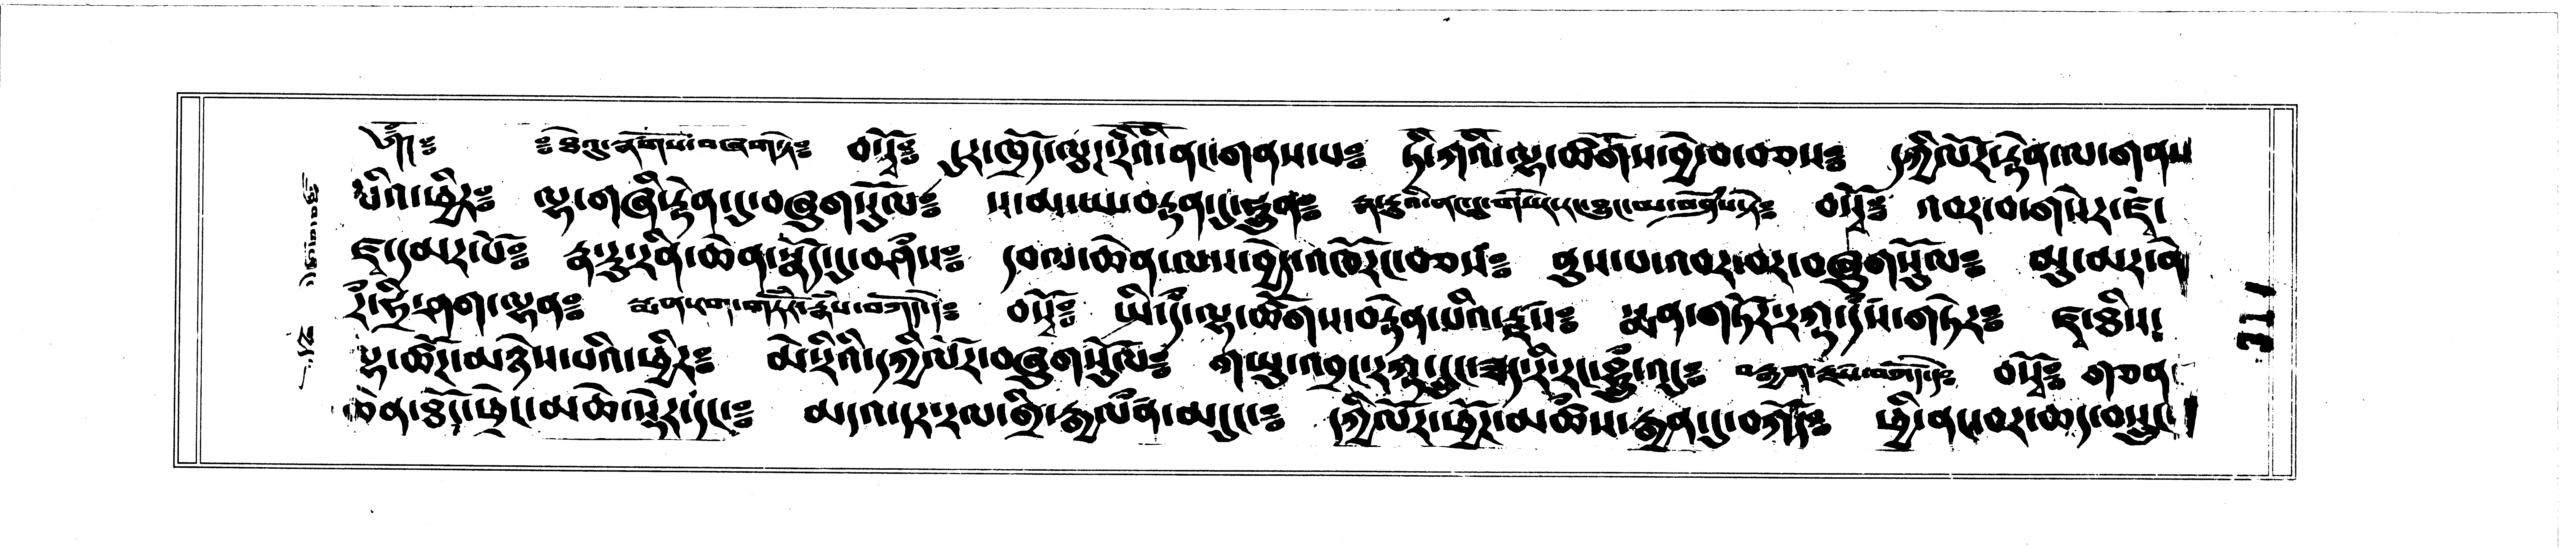ཐེའུ་སྣ་ཚོགས་བཞག་སྟེ༔ བསྭོ༔ དུར་ཁྲོད་ལྕགས་རིའི་ནང་གནས་པ༔ ཏི་ཀའི་ལྷ་ཚོགས་བྱེ་བ་བཅས༔ དཀྱིལ་འཁོར་རྟེན་ལ་གནས་
པའི་ཕྱིར༔ ལྷ་གཞི་རྟེན་དུ་བཞུགས་སུ་གསོལ༔ ས་མ་ཡ་བརྟན་དུ་ཧྲུན༔ རྣ་རུའི་ནང་དུ་གསེར་རང་བྱུང་མ་བཤམས་ཏེ༔ བསྭོ༔ འབར་བ་གསེར་ཛྭོ་
ཛྭོ་དམར་པོ༔ རྣ་རུ་རིན་ཆེན་སྣ་ཚོགས་དུ་བཤམས༔ དབལ་ཆེན་ལས་བྱེད་འཁོར་དང་བཅས༔ ནུས་པ་འབར་བར་བཞུགས་སུ་གསོལ༔ མུ་མར་ནེ་
རམ་ཧྲི་ཤག་ལྷན༔ སྨན་ངག་གཏེར་རྣམས་བཀོད་དོ༔ བསྭོ༔ ཡི་དམ་ལྷ་ཚོགས་བརྟེན་པའི་རྫས༔ སྨན་གཏོར་རཀྟ་དམ་རྫས་གཏེར༔ ཛྭ་ཐིས་
ལྷ་ཚོགས་མཉེས་པའི་ཕྱིར༔ མེ་རིའི་དཀྱིལ་འཁོར་བཞུགས་སུ་གསོལ༔ གཡུ་འབྲང་རཀྟ་དྲུང་ཟད་རི་རང་བྷྲུཾ་འདུ༔ རྒྱན་རྫས་བཀོད་དོ༔ བསྭོ༔ གཅན་
ཆེན་ཐོད་ཕྲེང་མཆེ་སྡེར་དང་༔ མདའ་དར་རལ་གྲི་རྒྱལ་མཚན་མདུང་༔ དཀྱིལ་འཁོར་ཕྱོགས་མཚམས་རྒྱན་དུ་བཀོད༔ ཕྱི་ནང་བར་ཆད་བསྲུང་